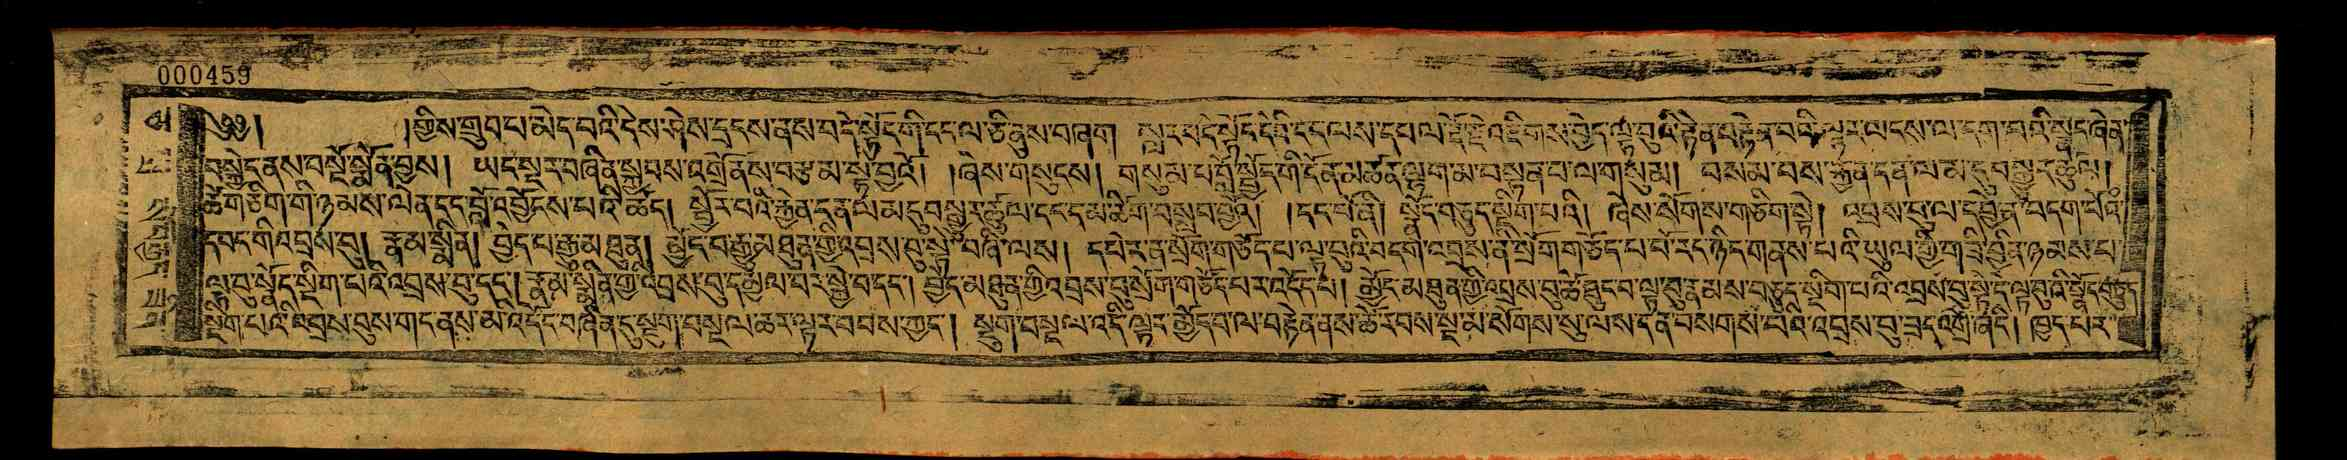༄༅། །གྱིས་གྲུབ་པ་མེད་པའི་ངེས་ཤེས་དྲངས་ནས་བདེ་སྟོང་གི་ངང་ལ་ཅི་ནུས་བཞག་སླར་བདེ་སྟོང་དེའི་ངང་ལས་དཔལ་རྡོ་རྗེ་འཇིགས་བྱེད་ལྟ་བུའི་རྟེན་བརྟེན་པའི་ལྷར་ལངས་ལ་དག་པའི་སྣང་ཞེན་
བསྐྱེད་ནས་བསྔོ་སྨོན་བྱས། ཡང་སྔར་བཞིན་སྐྱབས་འགྲོ་ནས་བརྩམ་སྟེ་བྱའོ། །ཞེས་གསུངས། གསུམ་པ་བློ་སྦྱོང་གི་དོན་མཚན་ལྷག་མ་བསྟན་པ་ལ་གསུམ། བསམ་པས་རྐྱེན་ངན་ལམ་དུ་བསྒྱུར་ཚུལ།
ཚེ་གཅིག་གི་ཉམས་ལེན་དང་བློ་འབྱོངས་པའི་ཚད། སྦྱོར་བའི་རྐྱེན་ངན་ལམ་དུ་བསྒྱུར་ཚུལ་དང་དམ་ཚིག་བསླབ་བྱའོ། །དང་པོ་ནི། སྣོད་བཅུད་སྡིག་པའི། ཞེས་སོགས་གཅིག་སྟེ། འབྲས་བུ་ལ་དབྱེ་ན་བདག་པོའཾ་
དབང་གི་འབྲས་བུ། རྣམ་སྨིན། བྱེད་པ་རྒྱུ་མཐུན། མྱོང་བ་རྒྱུ་མཐུན་གྱི་འབྲས་བུ་སྟེ་བཞི་ལས། དཔེར་ན་སྲོག་གཅོད་པ་ལྟ་བུའི་བདག་འབྲས་ནི་སྲོག་གཅོད་པ་པོ་རང་ཉིད་གནས་པའི་ཡུལ་གྱི་གཟི་བྱིན་ཉམས་པ་
ལྟ་བུ་སྣོད་སྡིག་པའི་འབྲས་བུ་དང་། རྣམ་སྨིན་གྱི་འབྲས་བུ་དམྱལ་བར་སྐྱེ་བ་དང་། བྱེད་མཐུན་གྱི་འབྲས་བུ་སྲོག་གཅོད་པར་འདོད་པ། མྱོང་མཐུན་གྱི་འབྲས་བུ་ཚེ་ཐུང་བ་ལྟ་བུ་རྣམས་བཅུད་སྡིག་པའི་འབྲས་བུ་སྟེ་དེ་ལྟ་བུའི་སྣོད་བཅུད་
སྡིག་པའི་འབྲས་བུས་གང་ནས་མི་འདོད་བཞིན་དུ་སྡུག་བསྔལ་ཆར་ལྟར་བབས་ཀྱང་། སྡུག་བསྔལ་འདི་ལྟར་མྱོང་བ་ལ་བརྟེན་ནས་ཚེ་རབས་སྔ་མ་སོགས་སུ་ལས་ངན་བསགས་པའི་འབྲས་བུ་ཟད་འགྲོ་ཞིང་། ཁྱད་པར་